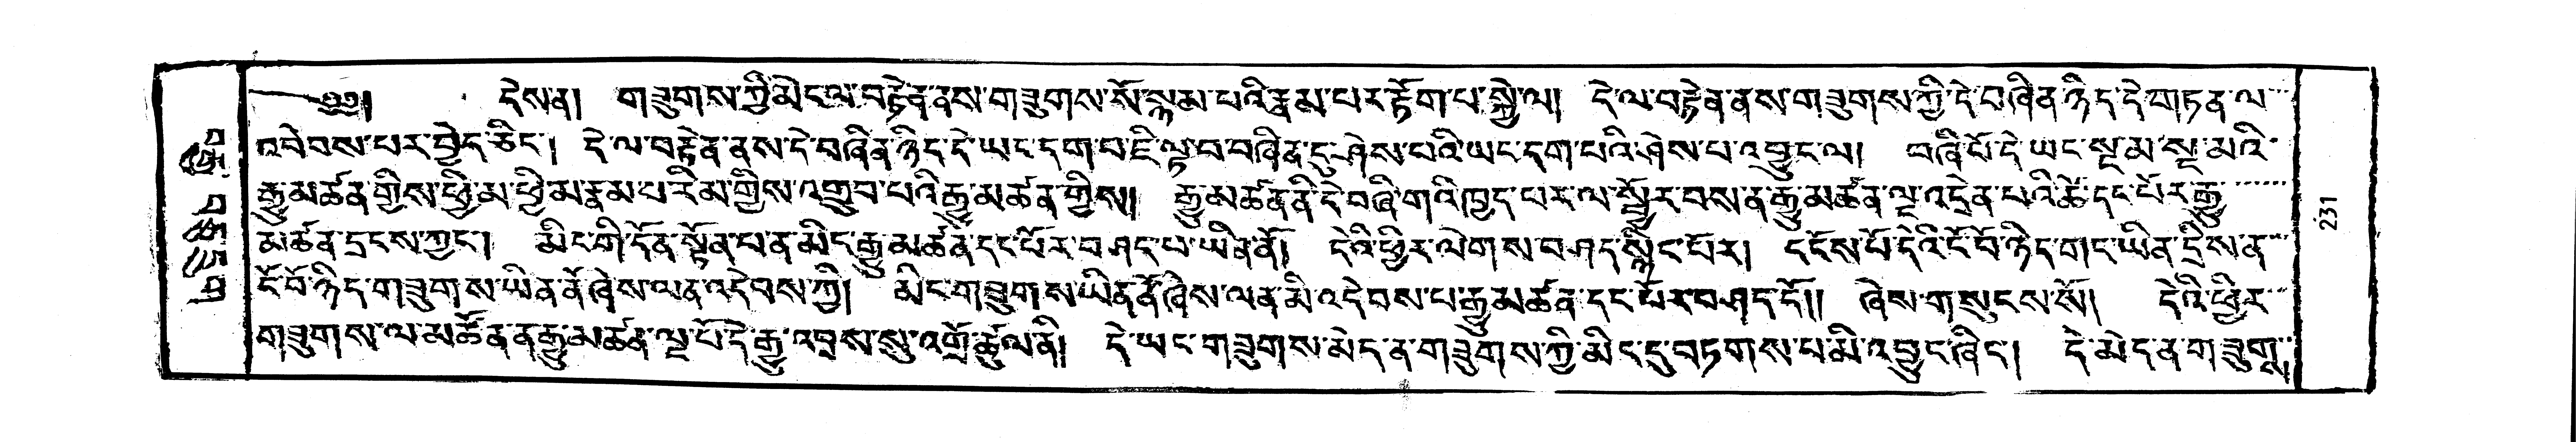༄༅། །དེས་ན། གཟུགས་ཀྱི་མིང་ལ་བརྟེན་ནས་གཟུགས་སོ་སྙམ་པའི་རྣམ་པར་རྟོག་པ་སྐྱེ་ལ། དེ་ལ་བརྟེན་ནས་གཟུགས་ཀྱི་དེ་བཞིན་ཉིད་དེ་གཏན་ལ་
འབེབས་པར་བྱེད་ཅིང་། དེ་ལ་བརྟེན་ནས་དེ་བཞིན་ཉིད་དེ་ཡང་དག་པ་ཇི་ལྟ་བ་བཞིན་དུ་ཤེས་པའི་ཡང་དག་པའི་ཤེས་པ་འབྱུང་ལ། བཞི་པོ་དེ་ཡང་སྔ་མ་སྔ་མའི་
རྒྱུ་མཚན་གྱིས་ཕྱི་མ་ཕྱི་མ་རྣམ་པ་རིམ་གྱིས་འགྲུབ་པའི་རྒྱུ་མཚན་གྱིས། རྒྱུ་མཚན་ནི་དེ་བཞི་གའི་ཁྱད་པར་ལ་སྦྱོར་བས་ན་རྒྱུ་མཚན་ལྔ་འདྲེན་པའི་ཚེ་དང་པོར་རྒྱུ་
མཚན་དྲངས་ཀྱང་། མིང་གི་དོན་སྟོན་པ་ན་མིང་རྒྱུ་མཚན་དང་པོར་བཤད་པ་ཡིན་ནོ། དེའི་ཕྱིར་ལེགས་བཤད་སྙིང་པོར། དངོས་པོ་དེའི་ངོ་བོ་ཉིད་གང་ཡིན་དྲིས་ན་
ངོ་བོ་ཉིད་གཟུགས་ཡིན་ནོ་ཞེས་ལན་འདེབས་ཀྱི། མིང་གཟུགས་ཡིན་ནོ་ཞེས་ལན་མི་འདེབས་པ་རྒྱུ་མཚན་དང་པོར་བཤད་དོ།། ཞེས་གསུངས་སོ། དེའི་ཕྱིར་
གཟུགས་ལ་མཚོན་ན་རྒྱུ་མཚན་ལྔ་པོ་དེ་རྒྱུ་འབྲས་སུ་འགྲོ་ཚུལ་ནི། དེ་ཡང་གཟུགས་མེད་ན་གཟུགས་ཀྱི་མིང་དུ་བཏགས་པ་མི་འབྱུང་ཞིང་། དེ་མེད་ན་གཟུགས་